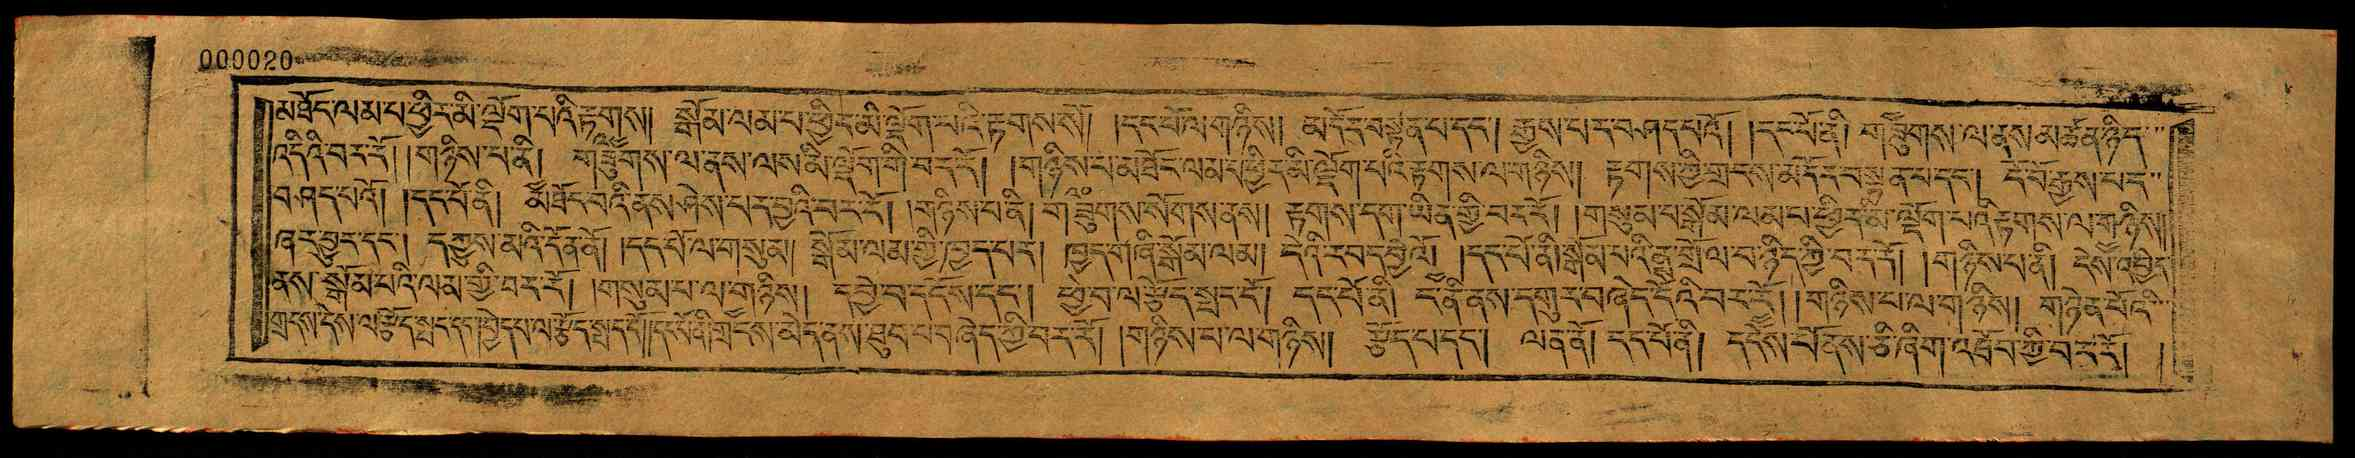མཐོང་ལམ་པ་ཕྱིར་མི་ལྡོག་པའི་རྟགས། སྒོམ་ལམ་པ་ཕྱིར་མི་ལྡོག་པའི་རྟགས་སོ། །དང་པོ་ལ་གཉིས། མདོར་བསྟན་པ་དང་། རྒྱས་པར་བཤད་པའོ། །དང་པོ་ནི། གཟུགས་ལ་ནས་མཚན་ཉིད་
འདིའི་བར་རོ། །གཉིས་པ་ནི། གཟུགས་ལ་ནས་ལས་མི་ལྡོག་གི་བར་རོ། །གཉིས་པ་མཐོང་ལམ་པ་ཕྱིར་མི་ལྡོག་པའི་རྟགས་ལ་གཉིས། རྟགས་ཀྱི་གྲངས་མདོར་བསྟན་པ་དང་། ངོ་བོ་རྒྱས་པར་
བཤད་པའོ། །དང་པོ་ནི། མཐོང་བའི་ནས་ཤེས་པར་བྱའི་བར་རོ། །གཉིས་པ་ནི། གཟུགས་སོགས་ནས། རྟགས་དག་ཡིན་གྱི་བར་རོ། །གསུམ་པ་སྒོམ་ལམ་པ་ཕྱིར་མི་ལྡོག་པའི་རྟགས་ལ་གཉིས།
ཞར་བྱུང་དང་། དཀྱུས་མའི་དོན་ནོ། །དང་པོ་ལ་གསུམ། སྒོམ་ལམ་གྱི་ཁྱད་པར། ཁྱད་གཞི་སྒོམ་ལམ། དེའི་རབ་དབྱེའོ། །དང་པོ་ནི། སྒོམ་པའི་ནས་གྲོལ་བ་ཉིད་ཀྱི་བར་རོ། །གཉིས་པ་ནི། ངེས་འབྱེད་
ནས་སྒོམ་པའི་ལམ་གྱི་བར་རོ། །གསུམ་པ་ལ་གཉིས། དབྱེ་བ་དངོས་དང་། ཕྱེ་བ་ལ་རྩོད་སྤང་ངོ། དང་པོ་ནི། དེ་ནི་ནས་དགུར་བཞེད་དོའི་བར་རོ། །གཉིས་པ་ལ་གཉིས། གཉེན་པོའི་
གྲངས་ངེས་ལ་རྩོད་སྤང་དང་། བྱེད་པ་ལ་རྩོད་སྤང་ངོ། །དང་པོ་ནི། གྲངས་མེད་ནས་ཐུབ་པ་བཞེད་ཀྱི་བར་རོ། །གཉིས་པ་ལ་གཉིས། རྩོད་པ་དང་། ལན་ནོ། དང་པོ་ནི། དངོས་པོ་ནས་ཅི་ཞིག་འཐོབ་ཀྱི་བར་རོ། །